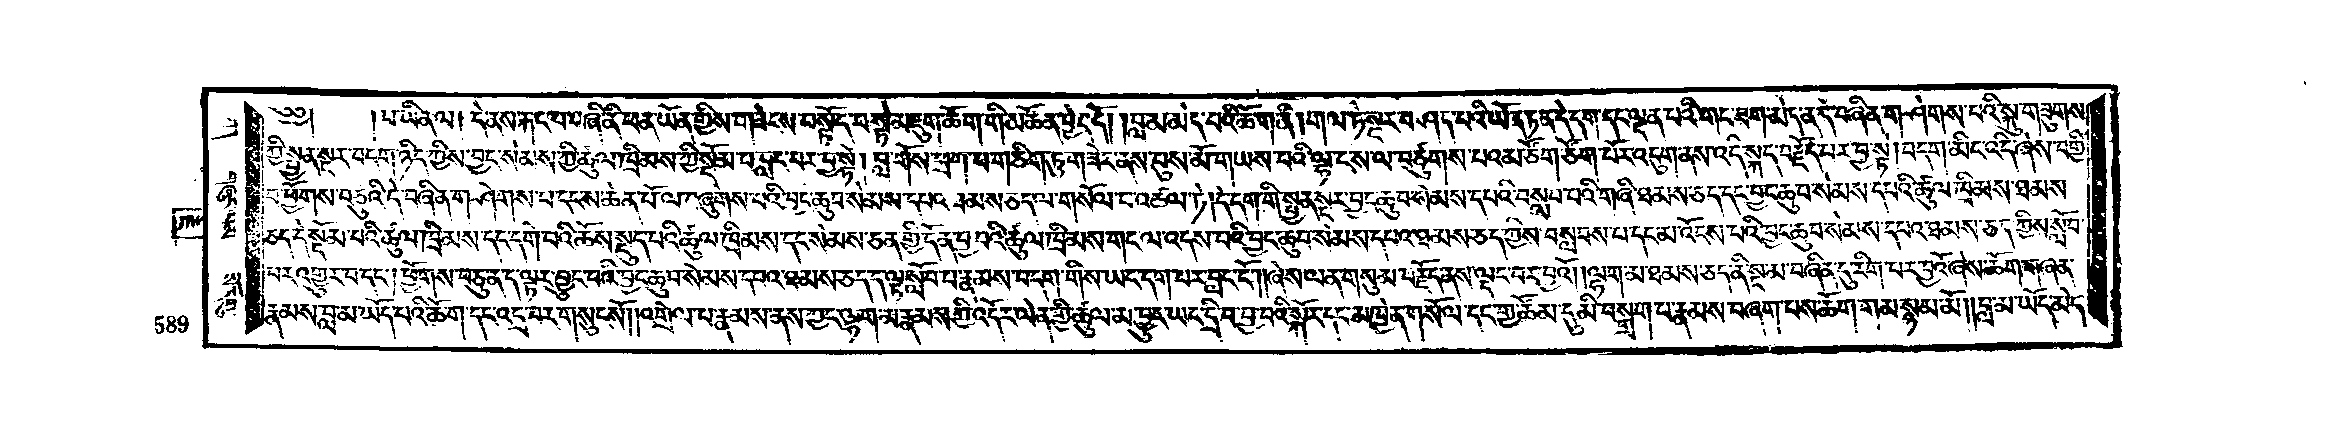༄༅། །པ་ཡིན་ལ། དེ་ནས་རྐང་པ་བཞི་ནི་ཕན་ཡོན་གྱིས་གཟེངས་བསྟོད་པ་སྟེ་མཇུག་ཆོག་གི་མཚོན་བྱེད་དོ། །བླ་མ་མེད་པའི་ཆོ་ག་ནི། གལ་ཏེ་སྔར་བཤད་པའི་ཡོན་ཏན་དེ་དག་དང་ལྡན་པའི་གང་ཟག་མེད་ན་དེ་བཞིན་གཤེགས་པའི་སྐུ་གཟུགས་
ཀྱི་སྤྱན་སྔར་བདག་ཉིད་ཀྱིས་བྱང་སེམས་ཀྱི་ཚུལ་ཁྲིམས་ཀྱི་སྡོམ་པ་བླང་བར་བྱ་སྟེ། བླ་གོས་ཕྲག་པ་གཅིག་ཏུ་གཟེར་ནས་པུས་མོ་གཡས་པའི་ལྷ་ང་ས་ལ་བཙུགས་པའམ་ཙོག་ཙོག་པོར་འདུག་ནས་འདི་སྐད་བརྗོད་པར་བྱ་སྟེ། བདག་མིང་འདི་ཞེས་བགྱི་
བ་ཕྱོགས་བཅུའི་དེ་བཞིན་གཤེགས་པ་དང་ས་ཆེན་པོ་ལ་བཞུགས་པའི་བྱང་ཆུབ་སེམས་དཔའ་ཐམས་ཅད་ལ་གསོལ་བ་འཚལ་ཏེ། དེ་དག་གི་སྤྱན་སྔར་བྱང་ཆུབ་སེམས་དཔའི་བསླབ་པའི་གཞི་ཐམས་ཅད་དང་བྱང་ཆུབ་སེམས་དཔའི་ཚུལ་ཁྲིམས་ཐམས་
ཅད་དེ་སྡོམ་པའི་ཚུལ་ཁྲིམས་དང་དགེ་བའི་ཆོས་སྡུད་པའི་ཚུལ་ཁྲིམས་དང་སེམས་ཅན་གྱི་དོན་བྱ་བའི་ཚུལ་ཁྲིམས་གང་ལ་འདས་པའི་བྱང་ཆུབ་སེམས་དཔའ་ཐམས་ཅད་ཀྱིས་བསླབས་པ་དང་མ་འོངས་པའི་བྱང་ཆུབ་སེམས་དཔའ་ཐམས་ཅད་ཀྱིས་སློབ་
པར་འགྱུར་བ་དང་། ཕྱོགས་བཅུ་ན་ད་ལྟར་བྱུང་བའི་བྱང་ཆུབ་སེམས་དཔའ་ཐམས་ཅད་ད་ལྟ་སློབ་པ་རྣམས་བདག་གིས་ཡང་དག་པར་བླང་ངོ། །ཞེས་ལན་གསུམ་བརྗོད་ནས་ལྡང་བར་བྱའོ། །ལྷག་མ་ཐམས་ཅད་ནི་སྔ་མ་བཞིན་དུ་རིག་པར་བྱའོ་ཞེས་ཆོག་གཞན་
རྣམས་བླ་མ་ཡོད་པའི་ཆོ་ག་དང་འདྲ་བར་གསུངས་སོ། །འགྲེལ་པ་རྣམས་ནས་ཀྱང་ལྷག་མ་རྣམས་ཀྱི་འདོར་ལེན་གྱི་ཚུལ་མ་བྱུང་ཡང་དྲི་བ་བྱ་བའི་སྐོར་དང་མཁྱེན་གསོལ་དང་གྱི་ཚོམ་དུ་མི་བསྒྲག་པ་རྣམས་བཞག་པས་ཆོག་གམ་སྙམ་མོ། །བླ་མ་ཡོད་མེད་